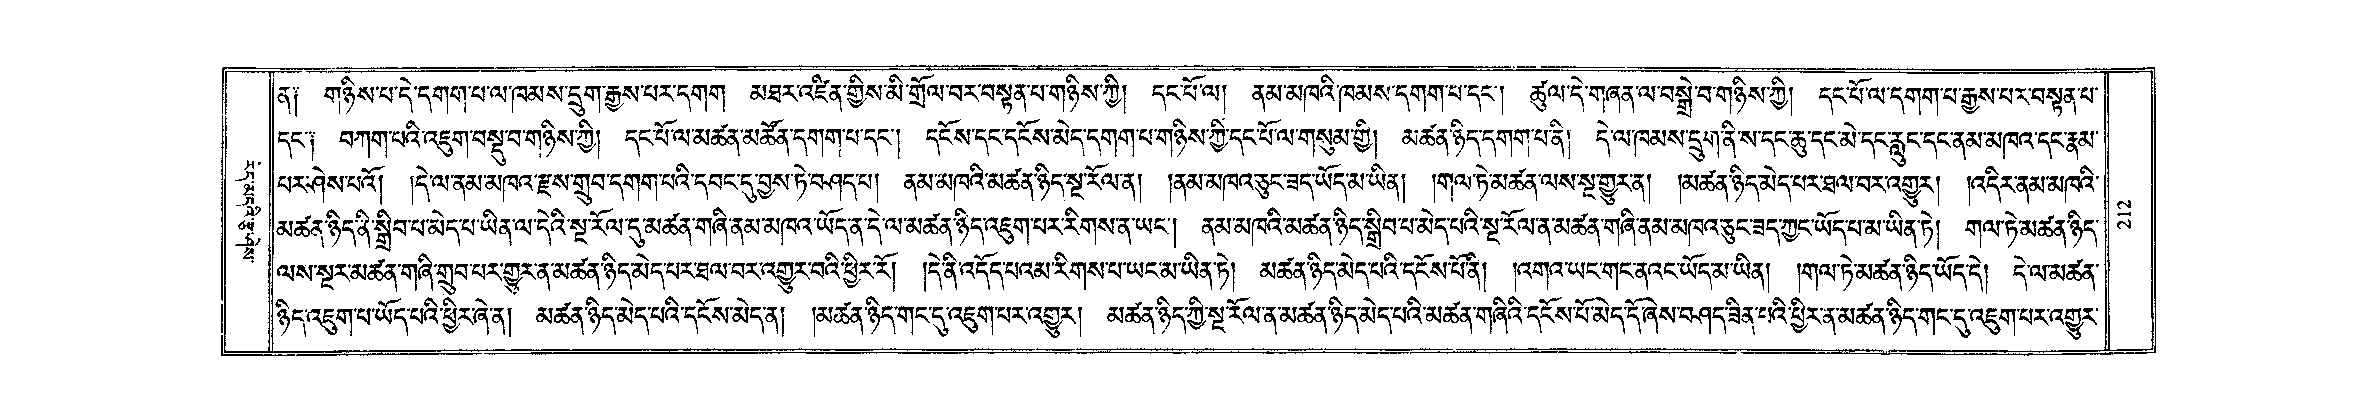ན༑ གཉིས་པ་དེ་དགག་པ་ལ་ཁམས་དྲུག་རྒྱས་པར་དགག་མཐར་འཛིན་གྱིས་མི་གྲོལ་བར་བསྟན་པ་གཉིས་ཀྱི། དང་པོ་ལ། ནམ་མཁའི་ཁམས་དགག་པ་དང་། ཚུལ་དེ་གཞན་ལ་བསྒྲེ་བ་གཉིས་ཀྱི། དང་པོ་ལ་དགག་པ་རྒྱས་པར་བསྟན་པ་
དང༑ བཀག་པའི་འཇུག་བསྡུ་བ་གཉིས་ཀྱི། དང་པོ་ལ་མཚན་མཚོན་དགག་པ་དང་། དངོས་དང་དངོས་མེད་དགག་པ་གཉིས་ཀྱི་དང་པོ་ལ་གསུམ་གྱི། མཚན་ཉིད་དགག་པ་ནི། དེ་ལ་ཁམས་དྲུག་ནི་ས་དང་ཆུ་དང་མེ་དང་རླུང་དང་ནམ་མཁའ་དང་རྣམ་
པར་ཤེས་པའོ། །དེ་ལ་ནམ་མཁའ་རྫས་གྲུབ་དགག་པའི་དབང་དུ་བྱས་ཏེ་བཤད་པ། ནམ་མཁའི་མཚན་ཉིད་སྔ་རོལ་ན། །ནམ་མཁའ་ཅུང་ཟད་ཡོད་མ་ཡིན། །གལ་ཏེ་མཚན་ལས་སྔ་གྱུར་ན། །མཚན་ཉིད་མེད་པར་ཐལ་བར་འགྱུར། །འདིར་ནམ་མཁའི་
མཚན་ཉིད་ནི་སྒྲིབ་པ་མེད་པ་ཡིན་ལ་དེའི་སྔ་རོལ་དུ་མཚན་གཞི་ནམ་མཁའ་ཡོད་ན་དེ་ལ་མཚན་ཉིད་འཇུག་པར་རིགས་ན་ཡང་། ནམ་མཁའི་མཚན་ཉིད་སྒྲིབ་པ་མེད་པའི་སྔ་རོལ་ན་མཚན་གཞི་ནམ་མཁའ་ཅུང་ཟད་ཀྱང་ཡོད་པ་མ་ཡིན་ཏེ། གལ་ཏེ་མཚན་ཉིད་
ལས་སྔར་མཚན་གཞི་གྲུབ་པར་གྱུར་ན་མཚན་ཉིད་མེད་པར་ཐལ་བར་འགྱུར་བའི་ཕྱིར་རོ། །དེ་ནི་འདོད་པའམ་རིགས་པ་ཡང་མ་ཡིན་ཏེ། མཚན་ཉིད་མེད་པའི་དངོས་པོ་ནི། །འགའ་ཡང་གང་ནའང་ཡོད་མ་ཡིན། །གལ་ཏེ་མཚན་ཉིད་ཡོད་དེ། དེ་ལ་མཚན་
ཉིད་འཇུག་པ་ཡོད་པའི་ཕྱིར་ཞེ་ན། མཚན་ཉིད་མེད་པའི་དངོས་མེད་ན། །མཚན་ཉིད་གང་དུ་འཇུག་པར་འགྱུར། མཚན་ཉིད་ཀྱི་སྔ་རོལ་ན་མཚན་ཉིད་མེད་པའི་མཚན་གཞིའི་དངོས་པོ་མེད་དོ་ཞེས་བཤད་ཟིན་པའི་ཕྱིར་ན་མཚན་ཉིད་གང་དུ་འཇུག་པར་འགྱུར་